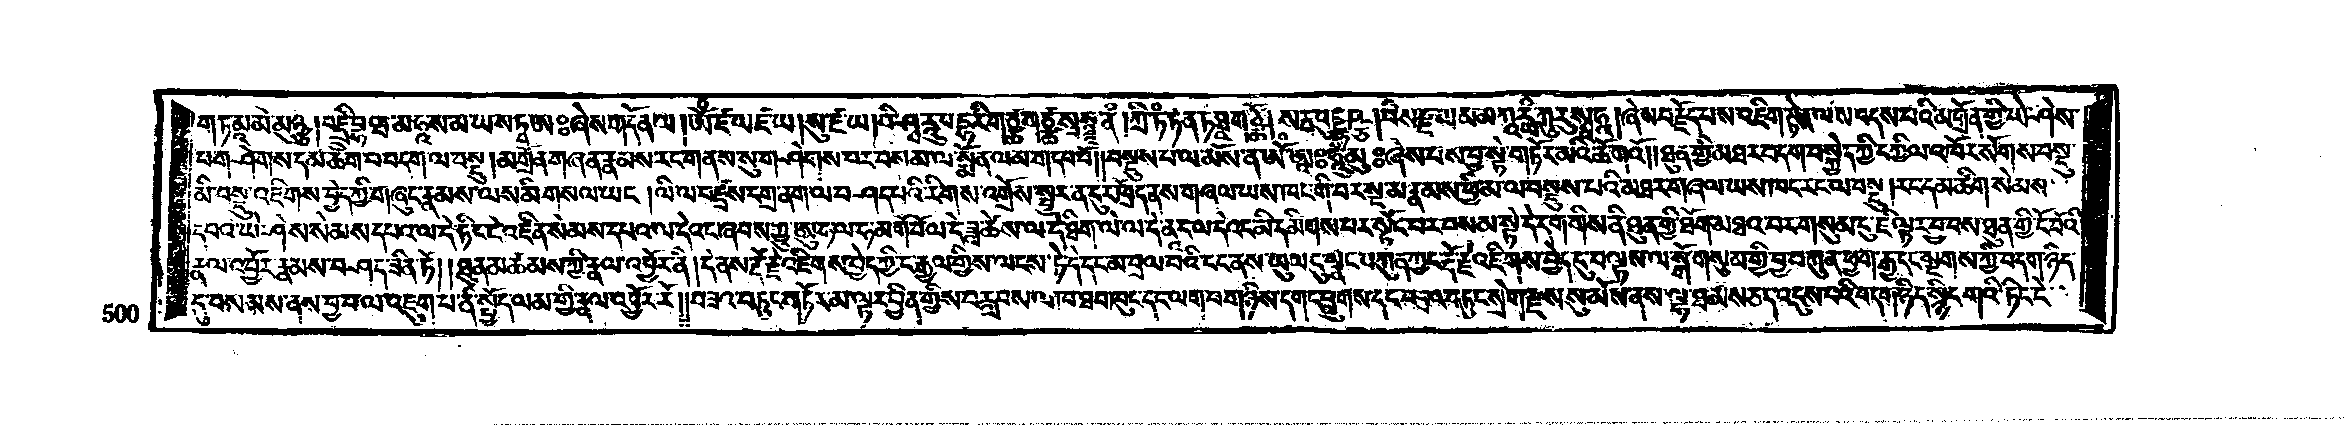ག་ཏ་མཱ་མི་མུཉྩ། བཛྲི་བྷ་ཝ་མཧཱ་ས་མ་ཡ་སཏྭ་ཨཿ ཞེས་གདོན་ལ། ཨོཾ་ཛ་ཡ་ཛ་ཡ། སུ་ཛ་ཡ། བི་ཤྭ་རཱུ་བ་དྷ་རི་གཙྪ་སྭ་སྠ་ནཾ། ཀྲི་ཏཾ་ཏཾ་ན་ཏ་ཐཱ་གཙྪ། སརྦ་བུདྡྷ་ཥྩ། བིས་རྫ་ཡ་མམ་ཀཱརྱཾ་ཀུ་རུ་སྭཱཧཱ། ཞེས་བརྗོད་པས་འཇིག་རྟེན་ལས་འདས་པའི་མགྲོན་གྱི་ཡེ་ཤེས་
པ་གཤེགས་དམ་ཚིག་པ་བདག་ལ་བསྡུ། མགྲོན་གཞན་རྣམས་རང་གནས་སུ་གཤེགས་པར་བསམ་ལ་སྨོན་ལམ་གདབ་བོ། །བསྡུས་པ་ལ་མོས་ན་ཨོཾ་ཨཱཿ ཧཱུཾ་མུཿ ཞེས་པས་བྱ་སྟེ་གཏོར་མའི་ཆོ་གའོ། །ཐུན་གྱི་མཐར་བདག་བསྐྱེད་ཀྱི་དཀྱིལ་འཁོར་སོགས་བསྡུ་
མི་བསྡུ་འཇིགས་བྱེད་ཀྱི་གཞུང་རྣམས་ལས་མི་གསལ་ཡང་། ལི་ལ་བཛྲས་དགྲ་ནག་ལ་བཤད་པའི་རིགས་འགྲོས་སྦྱར་ན་དུར་ཁྲོད་ནས་གཞལ་ཡས་ཁང་གི་བར་སྔ་མ་རྣམས་ཕྱི་མ་ལ་བསྡུས་པའི་མཐར་གཞལ་ཡས་ཁང་རང་ལ་བསྡུ། རང་དམ་ཚིག་སེམས་
དཔའ་ཡེ་ཤེས་སེམས་དཔའ་ལ་དེ་ཏིང་ངེ་འཛིན་སེམས་དཔའ་ལ་དེའང་ཞབས་ཀྱུ་ཨུ་ཧ་ལ་ཧ་མགོ་བོ་ལ་དེ་ཟླ་ཚེས་ལ་དེ་ཐིག་ལེ་ལ་དེ་ནཱ་ད་ལ་དེའང་མི་དམིགས་པར་སྟོང་པར་བསམ་སྟེ་དེ་དག་གིས་ནི་ཐུན་གྱི་ཐོག་མཐའ་བར་གསུམ་དུ་ཇི་ལྟར་བྱ་བས་ཐུན་གྱི་ངོ་བོའི་
རྣལ་འབྱོར་རྣམས་བཤད་ཟིན་ཏོ། །ཐུན་མཚམས་ཀྱི་རྣལ་འབྱོར་ནི། དེ་ནས་རྡོ་རྗེ་འཇིགས་བྱེད་ཀྱི་ང་རྒྱལ་གྱིས་ལངས་ཏེ་དེ་དང་མ་བྲལ་བའི་ངང་ནས་ཡུལ་དུ་སྣང་བ་ཀུན་ཀྱང་རྡོ་རྗེ་འཇིགས་བྱེད་དུ་བལྟས་ལ་སྒོ་གསུམ་གྱི་བྱ་བ་ཀུན་ཕྱག་རྒྱ་དང་སྔགས་ཀྱི་བདག་ཉིད་
དུ་བསམས་ནས་བྱ་བ་ལ་འཇུག་པ་ནི་སྤྱོད་ལམ་གྱི་རྣལ་འབྱོར་རོ། །བཟའ་བཏུང་གཏོར་མ་ལྟར་བྱིན་གྱིས་བརླབས་ལ་ཁ་ཐབ་ཁུང་དང་ལག་པ་གཉིས་དགང་བླུགས་དང་བཟའ་བཏུང་སྲེག་རྫས་སུ་མོས་ནས་ལྷ་ཐམས་ཅད་འདུས་པའི་བདག་ཉིད་སྙིང་གའི་ཏིང་ངེ་